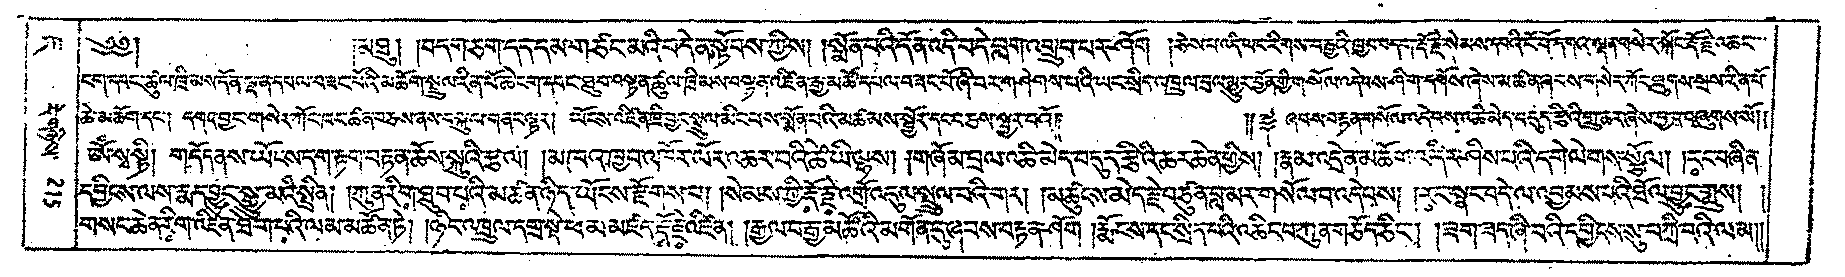༄༅། །མཐུ། །བདག་ཅག་དད་དམ་གཙང་མའི་བདེན་སྟོབས་ཀྱིས། །སྨོན་པའི་དོན་འདི་བདེ་བླག་འགྲུབ་པར་ཤོག །ཅེས་པ་འདི་ཡང་རིགས་བརྒྱའི་ཁྱབ་བདག་རྡོ་རྗེ་སེམས་དཔའི་ངོ་བོ་དགའ་ལྡན་གསེར་སྐོང་རྡོ་རྗེ་འཆང་
ངག་དབང་ཚུལ་ཁྲིམས་དོན་ལྡན་དཔལ་བཟང་པོའི་མཆོག་སྤྲུལ་རིན་པོ་ཆེ་ངག་དབང་ཐུབ་བསྟན་ཚུལ་ཁྲིམས་བསྟན་འཛིན་རྒྱ་མཚོ་དཔལ་བཟང་པོ་ཞི་བར་གཤེགས་པའི་ཡང་སྲིད་འཁྲུལ་བྲལ་མྱུར་བྱོན་གྱི་གསོལ་འདེབས་ཤིག་དགོས་ཞེས་མཚན་ཞབས་གསེར་ཀོང་ཐུགས་སྲས་རིན་པོ་
ཆེ་མཆོག་དང་། དགའ་བྱང་གསེར་ཀོང་ཁང་ཚན་བཅས་ནས་བསྐུལ་གནང་ལྟར། ཡོངས་འཛིན་ཁྲི་བྱང་སྤྲུལ་མིང་པས་སྨོན་པའི་མཚམས་སྦྱོར་དང་བཅས་སྦྱར་བའོ།། །། ༈ ཞབས་བརྟན་གསོལ་འདེབས་འཆི་མེད་བདུད་རྩིའི་གྲུ་ཆར་ཞེས་བྱ་བ་བཞུགས་སོ།།
ཨོཾ་སྭ་སྟི། གདོད་ནས་ཡོངས་དག་རྟག་བརྟན་ཆོས་སྐུའི་རྩལ། །མཁའ་ཁྱབ་འཁོར་ལོར་འཆར་བའི་ཚེ་ཡི་ལྷས། །གཞོམ་བྲལ་འཆི་མེད་བདུད་རྩིའི་ཆར་ཆེན་གྱིས། །རྣམ་འདྲེན་མཆོག་འདིར་ཤིས་པའི་དགེ་ལེགས་སྩོལ། །རང྾་བཞིན་
དབྱིངས་ལས་རྨད་བྱུང྾་སྒྱུ་མའི་སྤྲིན། །ཀུན་རིག྾་ཐུབ་པའི྾་མཚན་ཉིད་ཡོངས་རྫོགས་པ། །སེམས་ཀྱི་རྡོ྾་རྗེ྾་འགྲོ་འདུལ་སྤྲུལ་བའི་གར། །མཚུངས་མེད་རྗེ་བཙུན་བླ་མར་གསོལ་བ་འདེབས། །རང྾་སྣང་བདེ་ལ་འབྱམས་པའི་ཐོལ་བྱུང྾་གླུས། །
གསང་ཆེན་རིག྾་འཛིན་ཐེག་པའི྾་ལམ་མཚོན་ཏེ། །ཉིད་འཁྲུལ་དགྲ་སྡེ྾་ཕམ་མཛད་རྡོ྾་རྗེ྾་འཛིན། །རྒྱལ་བ་རྒྱ་མཚོའི་མགོན་དུ་ཞབས་བརྟན་ཤོག །རྨོངས་དང་སྲིད་པའི་འཆིང་བ་ཀུན་གཅོད་ཅིང་། །ཟག་ཟད་ཞི་བའི་དབྱིངས་སུ་བཀྲི་བའི་ལམ།།